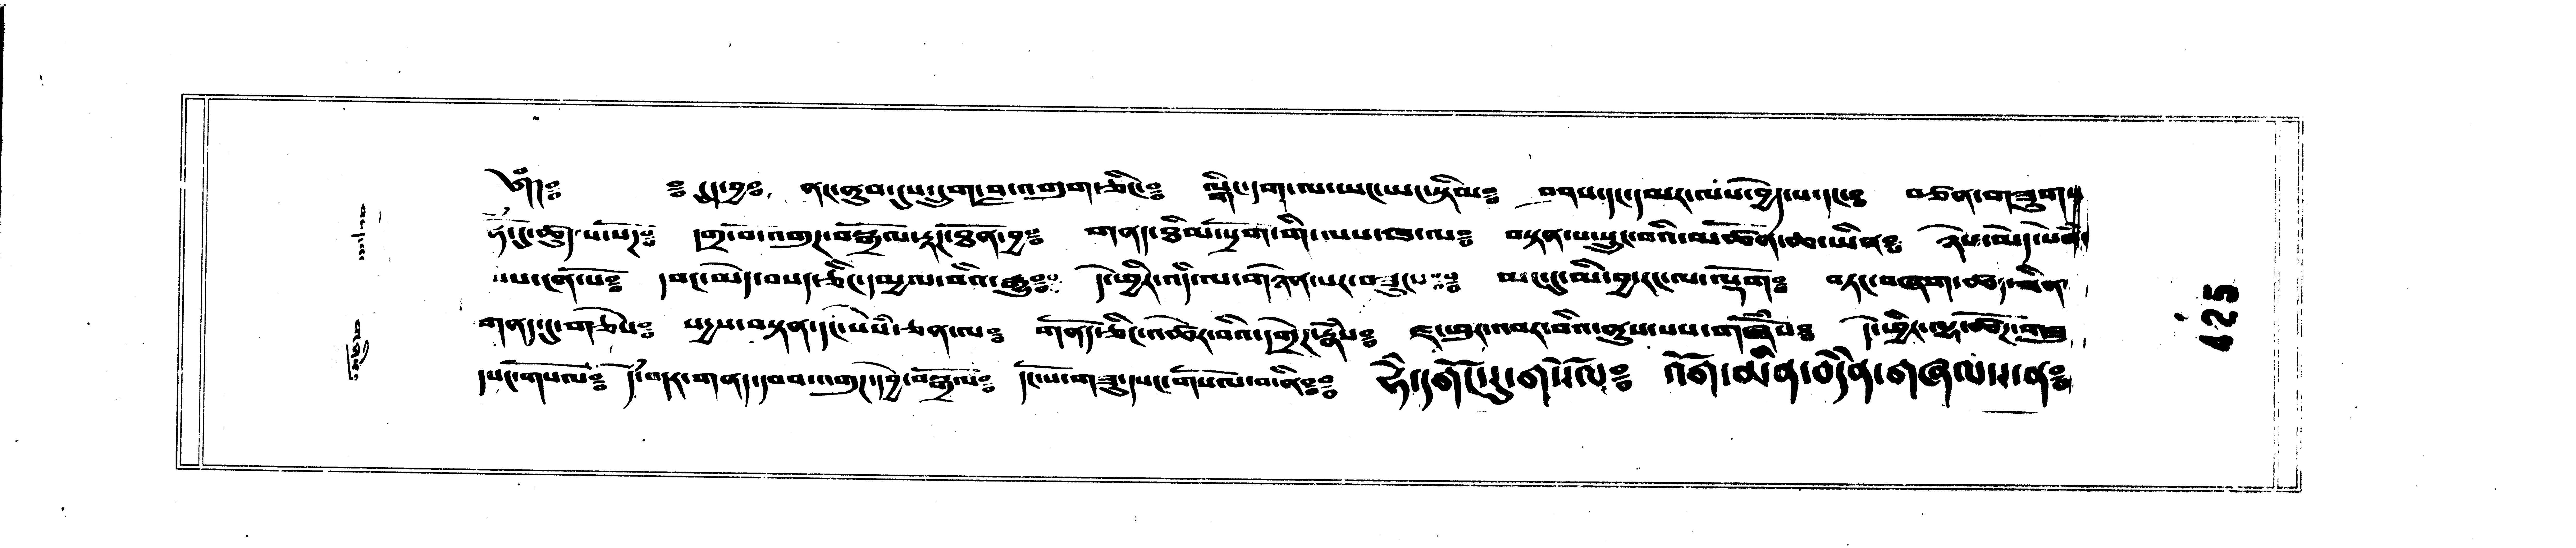༔དུད་བྱ༔ནང་ནུབ་དུས་དྲུག་བླ་འགུག་ཅིང་༔ལྒིང་དག་ལ་ཡང་ཡང་སྟིམ༔བཤས་དང་དམར་ལས་བྱེད་པ་དང་༔བཙན་གཟུགས་
ཧོཾ་དུ་ཚུད་པ་སོགས༔དགྲ་བོ་འགུགས་སྒྲོལ་རྟགས་ཐོན་བྱ༔གནད་ཐིམ་སྲོག་གི་ལས་ཁ་ལ༔བསྟན་པ་སྲུང་བའི་མཚོན་ཆ་ཡིན༔ཉེས་མེད་པའམ་སེམས་ཅན་
ལས་ངན་པོ༔དབང་མེད་བསད་ཅིང་དམྱལ་བའི་རྒྱུ༔དེའི་ཕྱིར་འདི་ལ་གཉེན་པར་བཟུངས༔མང་དུ་མི་བྱ་རང་ལ་ལྡོག༔བཏང་བཞག་ཚད་ཟིན་
གནད་དུ་གཅེས༔སངས་རྒྱས་བསྟན་དང་སེམས་ཅན་ལ༔གནོད་ཅིང་འཚེ་བའི་དགྲ་བགེགས་རྣམས༔ཛྭ་ཕུར་འབར་བའི་ནུས་པས་གཞོམས༔དེ་ཕྱིར་ལྷ་ཚོགས་གཟུ་
དཔང་གསོལ༔དམ་བདར་གནད་དབབ་འགུགས་དབྱེ་བསྒྲོལ༔དང་པོ་གཟུ་དཔང་གསོལ་བ་ནི༔༔ཧཻ་དགོངས་སུ་གསོལ༔འོག་མིན་བདེ་ཆེན་གཞལ་ཡས་ན༔